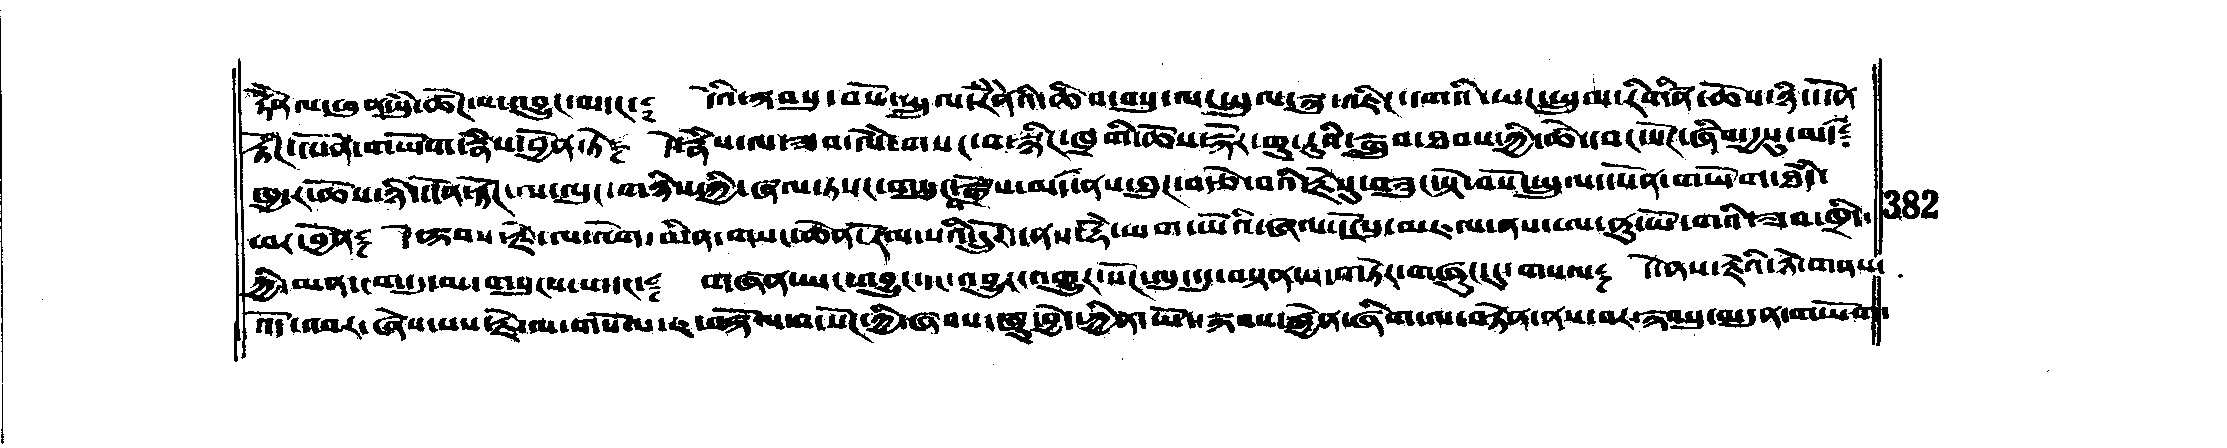རྟེན་འབྲེལ་ཕུན་སུམ་ཚོགས་པ་བྱུང་བ་དང་། དེའི་སྐབས་སུ་བསོ་སྤྲུལ་རིན་པོ་ཆེའི་ཆིབས་བསུ་ལ་སྤྲུལ་སྐུ་འཇིགས་དགའི་ཡང་སྤྲུལ་རིག་འཛིན་ཆོས་ཉིད་དོན་
རྟོགས་དཔོན་གཡོག་རྣམས་བྱོན་ཏེ། དེ་རྣམས་ལ་ཟབ་ལམ་གསང་བ་སྙིང་ཁྲག་གིས་ཆོས་སྐོར་གུ་རུའི་སྒྲུབ་ཐབས་ཀྱི་ཚེ་དབང་སོགས་ཞིབ་རྒྱས་སུ་མཛད། 
ཁྱད་པར་ཆོས་ཉིད་དོན་རྟོགས་ལ་ལུགས་གཉིས་ཀྱི་ཞལ་ཏ་དང་གསུང་བསྒྲོས་མཛད་ནས་ཐུགས་བརྩེ་བའི་རྗེས་སུ་བཟུང་སྟེ་བསོ་སྤྲུལ་དཔོན་གཡོག་ཐམས་ཅད་
ཕར་བྱོན། དེ་སྐབས་རྗེ་ལ་འོག་མིན་གསང་ཆེན་རོལ་པའི་དུར་ཁྲོད་ནས་རྡོ་རྗེ་ཕག་མོའི་ཞལ་དངོས་སུ་མཇལ་ནས་ཨ་ནུ་ཡོ་གའི་ཟབ་ཁྲིད་
ཀྱི་མན་ངག་དུ་མ་གསུངས་པ་དང་། གཞན་ཡང་འབྱུང་དང་འབྱུང་འགྱུར་སོགས་ལུང་དུ་བསྟན་པ་གཏེར་གཞུང་དུ་གསལ། དེ་ནས་རྗེའི་ཉེ་གནས་
འོད་འབར་ཞེས་པས་རྗེ་ལ་གསོལ་ཇ་བསྐོལ་བ་སོགས་ཀྱི་ཞབས་ཞུ་བྱེད་ཀྱིན་ཡོད་སྐབས་རྐྱེན་ཞིག་ལ་བརྟེན་ནས་བར་སྐབས་སུ་མདུན་གཡོག་